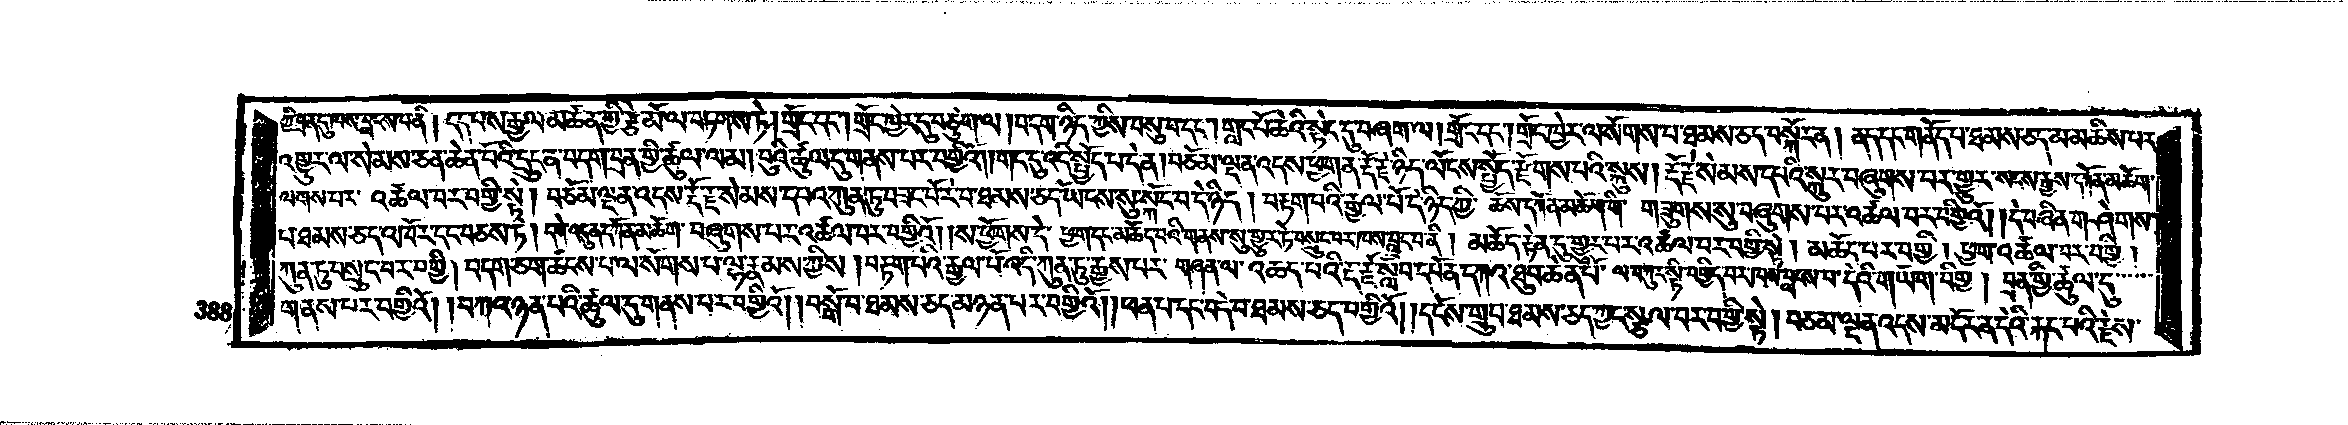ཀྱི་ཟན་དུ་ཁས་བླངས་པ་ནི། དད་པས་རྒྱལ་མཚན་གྱི་རྩེ་མོ་ལ་བཏགས་ཏེ། གྲོང་དང་། གྲོང་ཁྱེར་དུ་བཙུག་ལ། བདག་ཉིད་ཀྱིས་བསུ་བ་དང་། གླང་པོ་ཆེའི་སྟེང་དུ་བཞག་ལ། གྲོང་དང་། གྲོང་ཁྱེར་ལ་སོགས་པ་ཐམས་ཅད་བསྐོར་ན། ནད་དང་གནོད་པ་ཐམས་ཅད་མ་མཆིས་པར་
འགྱུར་ལ་སེམས་ཅན་ཆེན་པོའི་དྲུང་ན་བདག་བྲན་གྱི་ཚུལ་ལམ། བུའི་ཚུལ་དུ་གནས་པར་བགྱིའོ། །གང་དུ་འདི་སྤྱོད་པ་དེ་ན། བཅོམ་ལྡན་འདས་ཕྱག་ན་རྡོ་རྗེ་ཉིད་ལོངས་སྤྱོད་རྫོགས་པའི་སྐུས། རྡོ་རྗེ་སེམས་དཔའི་སྐུར་བཤུགས་པར་གྱུར་སངས་རྒྱ་དཀོན་མཆོག་
ལེགས་པར་འཚལ་བར་བགྱི་སྟེ། བཅོམ་ལྡན་འདས་རྡོ་རྗེ་སེམས་དཔའ་ཀུན་ཏུ་བཟང་པོ་རེ་བ་ཐམས་ཅད་ཡོངས་སུ་སྐོང་བ་དེ་ཉིད། བརྟག་པའི་རྒྱལ་པོ་དེ་ཉིད་ཀྱི་ཆོས་དཀོན་མཆོག་གི་གཟུགས་སུ་བཞུགས་པར་འཚལ་བར་བགྱིའོ། །དེ་བཞིན་གཤེགས་
པ་ཐམས་ཅད་འཁོར་དང་བཅས་ཏེ། དགེ་འདུན་དཀོན་མཆོག་བཞུགས་པར་འཚལ་བར་བགྱིའོ། །ས་ཕྱོགས་དེ་ཕྱག་དང་མཆོད་པའི་གནས་སུ་གྱུར་ཏེ་བསྲུང་བར་ཁས་བླང་བ་ནི།  མཆོད་རྟེན་དུ་གྱུར་པར་འཚལ་བར་བགྱི་སྟེ། མཆོད་པར་བགྱི། ཕྱག་འཚལ་བར་བགྱི།
ཀུན་ཏུ་བསྲུང་བར་བགྱི། བདག་ཅག་ཚངས་པ་ལ་སོགས་པ་ལྷ་རྣམས་ཀྱིས། བརྟག་པའི་རྒྱལ་པོ་འདི་ཀུན་ཏུ་རྒྱས་པར་གཞན་ལ་འཆད་པའི་རྡོ་རྗེ་སློབ་དཔོན་དཀའ་ཐུབ་ཆེན་པོ་ལ་བཀུར་སྟི་བགྱིད་བར་ཁས་བླངས་པ་དེའི་གཡོག་བགྱི། བྲན་གྱི་ཚུལ་དུ་
གནས་པར་བགྱིའོ། །བཀའ་ཉན་པའི་ཚུལ་དུ་གནས་པར་བགྱིའོ། །བསྒོ་བ་ཐམས་ཅད་མཉན་པར་བགྱིའོ། །ཕན་པ་དང་བདེ་བ་ཐམས་ཅད་བགྱིའོ། །དངོས་གྲུབ་ཐམས་ཅད་ཀྱང་སྩལ་བར་བགྱི་སྟེ། བཅོམ་ལྡན་འདས་མདོར་ན་དེའི་རྐང་པའི་རྗེས་